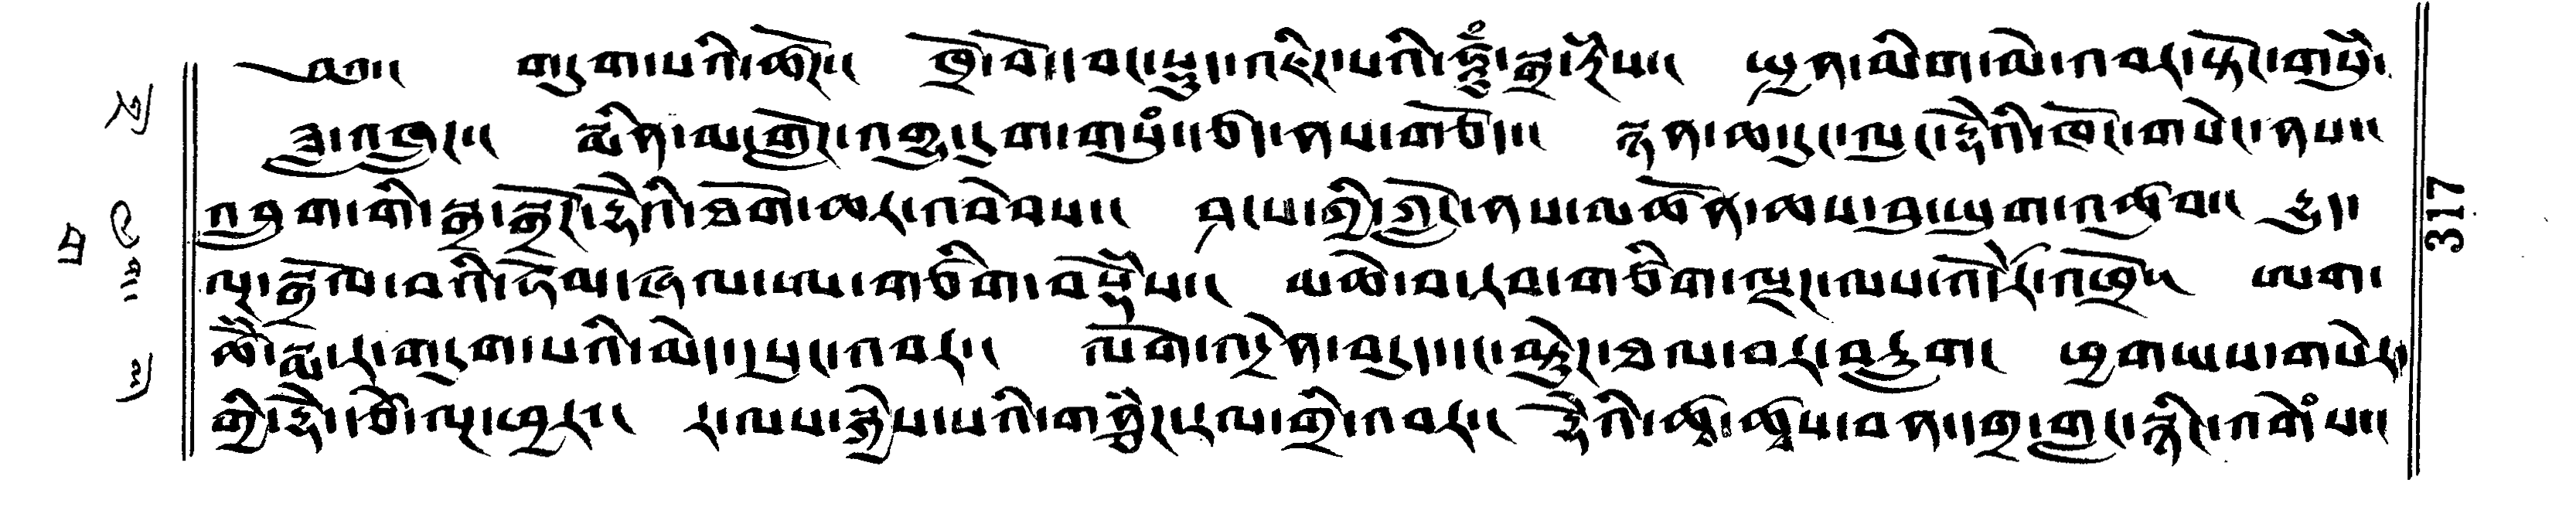གདུག་པའི་ཚོགས། ཁྲོ་བོ་དབང་སྡུད་འཇིགས་པའི་ཧཱུྃ་སྒྲ་རྔམས། །སྤྱན་མིག་མེ་འབར་སྟོང་གསུམ་
ཟླ་འཁྲུགས། །སྨིན་མ་གློག་འགྱུ་དུག་གསུམ་རྩད་ནས་གཅོད། །སྙན་ཆ་དུང་ལུང་རྡོ་རྗེའི་ཁོང་གསེང་ནས། །
འབྲུག་གི་སྒྲ་སྒྲོག་རྡོ་རྗེ་ཐོག་ཆར་འབེབས། །ཤངས་ཀྱི་ཀློང་ནས་མཚོན་ཆའི་བུ་ཡུག་འཚུབ། །རྒྱུད་
ལྔ་སྒྲོལ་བའི་ཧོམ་ཞལ་ཨམ་གཙིག་བསྡམ། །མཆེ་བ་རབ་གཙིགས་ལྗགས་ལས་འོད་ཟེར་འཕྲོ། །ཨག་
ཚོམ་སྨ་ར་གདུག་པའི་མེ་དཔུང་འབར། །ལོག་འདྲེན་བདུད་དང་མུ་སྟེགས་ཐལ་བར་བརླག །ཕྱག་གཡས་གསེར་
གྱི་རྡོ་རྗེ་རྩེ་ལྔ་ཕྱར། །ར་ལས་སྐྱེས་པའི་གནམ་ལྕགས་རལ་གྲི་འབར། །རྡོ་རྗེའི་ཚྭ་ཚྭས་བསྟན་དགྲའི་གློ་སྙིང་འགེམས། །